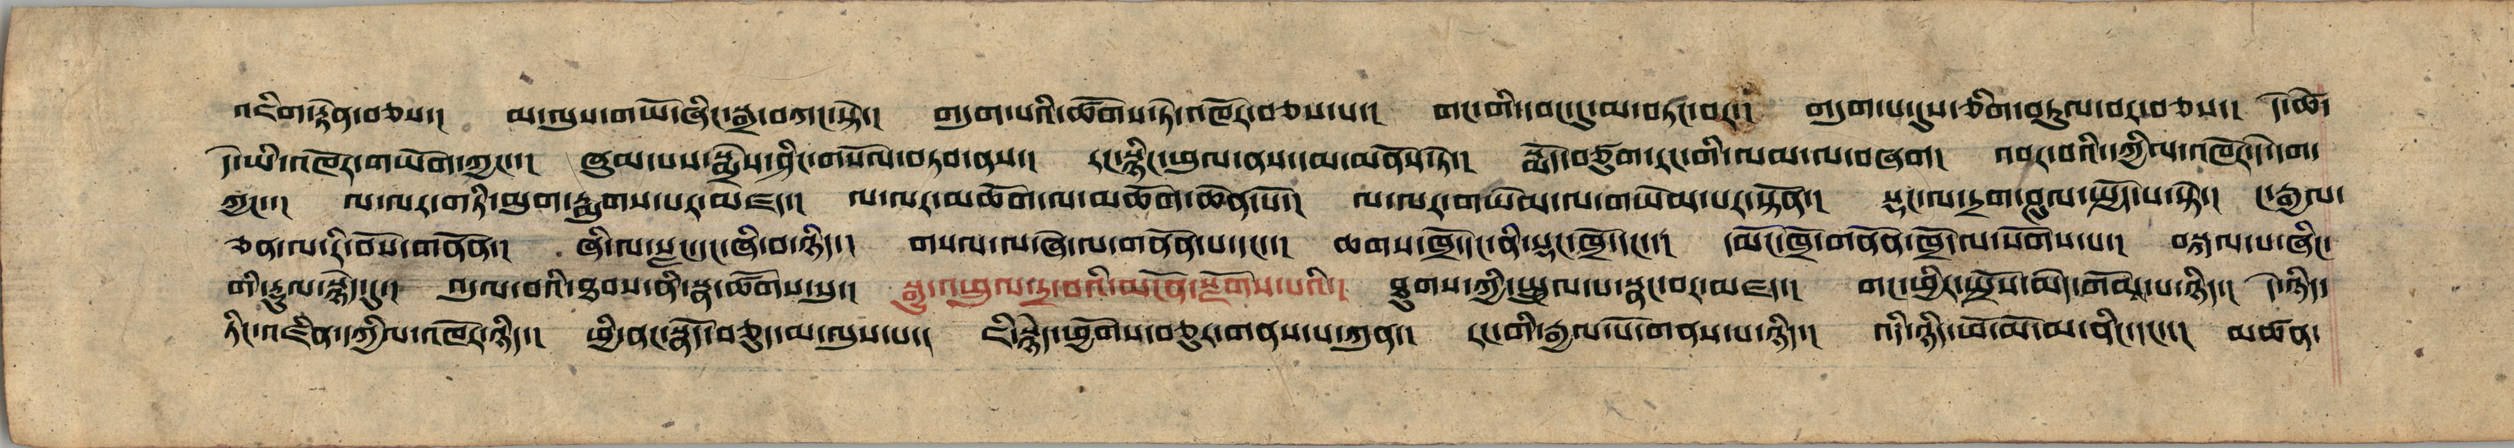འཇིག་རྟེན་བཅས་། མ་ལུས་གཡོ་ཞིང་སྒྲ་བཀང་སྟེ་། གདུག་པའི་ཚོགས་ཏེ་འཁོར་བཅས་པ་། གང་གི་དབང་དུ་མ་བཏང་བར་། གདུག་པ་དུས་ཅིག་བཏུལ་བར་བཅས་། དེ་ཚེ་
དེ་ཡི་འཁོར་གཡོག་ཀྱང་་། ཞུམ་པས་སྨྲེས་ཤིང་གསོལ་བཏབ་ནས་། རང་སྙིང་ཕུལ་ནས་དམ་མནོས་ཏེ་། སྨོད་བཙུག་རང་གི་ལམ་ལ་བཞག། འབར་བའི་དཀྱིལ་འཁོར་དེ་དག་
ཀྱང་་། ལ་ལར་གཏི་མུག་རྨུགས་པར་མཛད་། ལ་ལར་མཆོག་ལ་མཆོག་ཆེན་པོ་། ལ་ལར་གཡེམ་ལ་གཡེམ་པར་སྟོན་། སྡང་ལ་དྲག་ཤུལ་སྤྱོད་པ་སྟེ་། ང་རྒྱལ་
ཅན་ལ་རི་་བོས་མནོན་། ཞི་ལ་སླང་དང་ཞི་བ་ཉིད་། གསལ་ལ་ཞེ་ལ་གནོན་པ་དང་་། ཆགས་ཁྲོ་དང་ནི་སྡང་ཁྲོ་དང་་། དམོང་ཁྲོ་གནོན་ཁྲོ་ལ་སོགས་པ་། བསྐལ་པ་ཞིང་
གི་རྡུལ་སྙེད་དུ་། འདུལ་བའི་ཐབས་ནི་སྣ་ཚོགས་སུ་། སྒྱུ་འཕྲུལ་དྲ་བའི་མངོན་སྫོགས་པའི་། ཐུགས་ཀྱི་སྤྲུལ་པ་སྣང་བར་མཛད་། གང་ཕྱིར་སྤྲོས་མེད་གོམས་པ་ཉིད་། དེ་ཉིད་
ཏིང་འཛིན་དཀྱིལ་འཁོར་ཉིད་། ཕྱི་ནང་སྣོད་བཅུད་མ་ལུས་པ་། ཇི་སྙེད་ཕྱོགས་བཅུར་གནས་པ་ཀུན་། རང་གི་རྒྱལ་པོ་གནས་པ་ཉིད་། འདི་ཉིད་ཕོ་མོ་མ་ནིང་དང་་། མཚན་